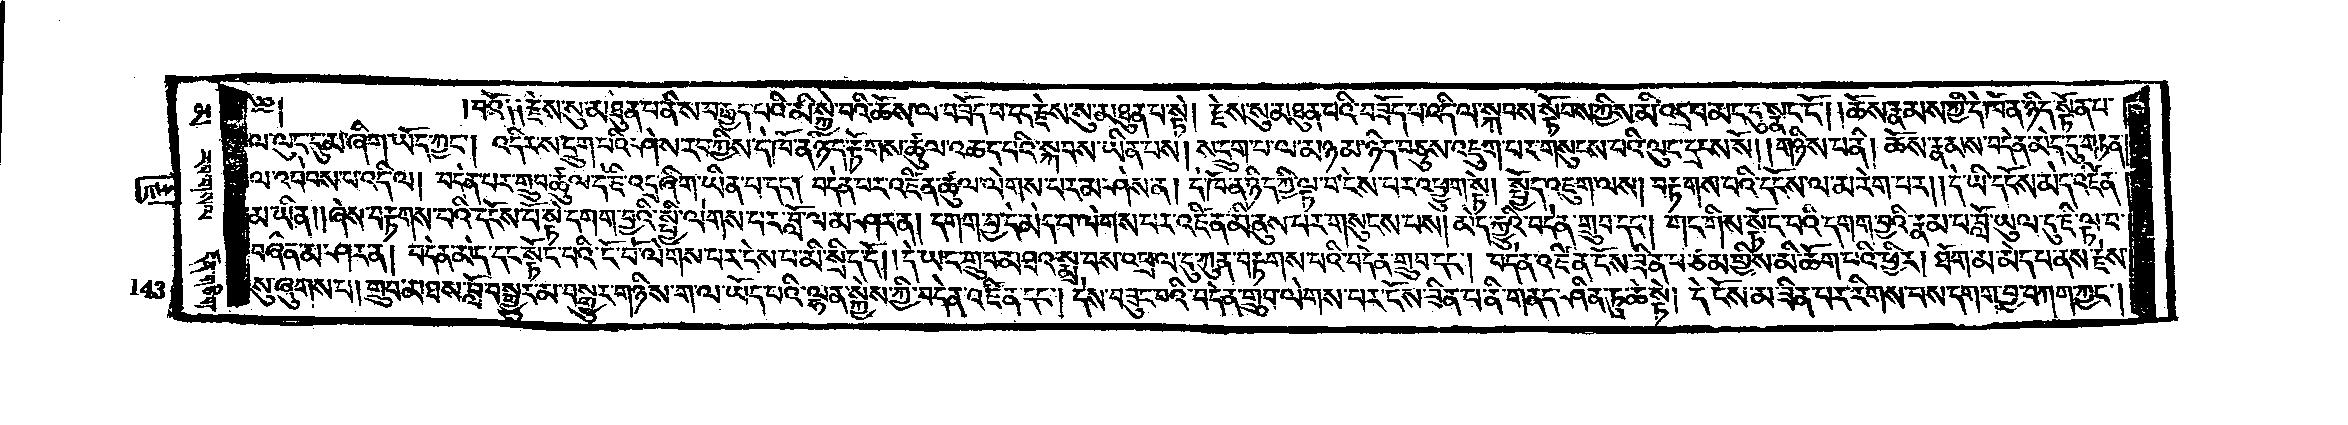༄༅། །བའོ། །རྗེས་སུ་མཐུན་པ་ནི་ས་བརྒྱད་པའི་མི་སྐྱེ་བའི་ཆོས་ལ་བཟོད་པ་དང་རྗེས་སུ་མཐུན་པ་སྟེ། རྗེས་སུ་མཐུན་པའི་བཟོད་པ་འདི་ལ་སྐབས་སྟོབས་ཀྱིས་མི་འདྲ་བ་མང་དུ་སྣང་ངོ། །ཆོས་རྣམས་ཀྱི་དེ་ཁོ་ན་ཉིད་སྟོན་པ་
ལ་ལུང་དུ་མ་ཞིག་ཡོད་ཀྱང་། འདིར་ས་དྲུག་པའི་ཤེས་རབ་ཀྱིས་དེ་ཁོ་ན་ཉིད་རྟོགས་ཚུལ་འཆད་པའི་སྐབས་ཡིན་པས། ས་དྲུག་པ་ལ་མཉམ་ཉིད་བཅུས་འཇུག་པར་གསུངས་པའི་ལུང་དྲངས་སོ། །གཉིས་པ་ནི། ཆོས་རྣམས་བདེན་མེད་དུ་གཏན་
ལ་འབེབས་པ་འདི་ལ། བདེན་པར་གྲུབ་ཚུལ་དེ་ཇི་འདྲ་ཞིག་ཡིན་པ་དང་། བདེན་པར་འཛིན་ཚུལ་ལེགས་པར་མ་ཤེས་ན། དེ་ཁོ་ན་ཉིད་ཀྱི་ལྟ་བ་ངེས་པར་འཕྱུག་སྟེ། སྤྱོད་འཇུག་ལས། བརྟགས་པའི་དངོས་ལ་མ་རེག་པར། །དེ་ཡི་དངོས་མེད་འཛིན་
མ་ཡིན། །ཞེས་བརྟགས་པའི་དངོས་པོ་སྟེ་དགག་བྱའི་སྤྱི་ལེགས་པར་བློ་ལ་མ་ཤར་ན། དགག་བྱ་དེ་མེད་པ་ལེགས་པར་འཛིན་མི་ནུས་པར་གསུངས་པས། མེད་རྒྱུའི་བདེན་གྲུབ་དང་། གང་གིས་སྟོང་པའི་དགག་བྱའི་རྣམ་པ་བློ་ཡུལ་དུ་ཇི་ལྟ་བ་
བཞིན་མ་ཤར་ན། བདེན་མེད་དང་སྟོང་པའི་ངོ་བོ་ལེགས་པར་ངེས་པ་མི་སྲིད་དོ། །དེ་ཡང་གྲུབ་མཐའ་སྨྲ་བས་འཕྲལ་དུ་ཀུན་བརྟགས་པའི་བདེན་གྲུབ་དང་། བདེན་འཛིན་ངོས་ཟིན་པ་ཙམ་གྱིས་མི་ཆོག་པའི་ཕྱིར། ཐོག་མ་མེད་པ་ནས་རྗེས་
སུ་ཞུགས་པ། གྲུབ་མཐས་བློ་བསྒྱུར་མ་བསྒྱུར་གཉིས་ག་ལ་ཡོད་པའི་ལྷན་སྐྱེས་ཀྱི་བདེན་འཛིན་དང་། དེས་བཟུང་བའི་བདེན་གྲུབ་ལེགས་པར་ངོས་ཟིན་པ་ནི་གནད་ཤིན་ཏུ་ཆེ་སྟེ། དེ་ངོས་མ་ཟིན་པར་རིགས་པས་དགག་བྱ་བཀག་ཀྱང་།